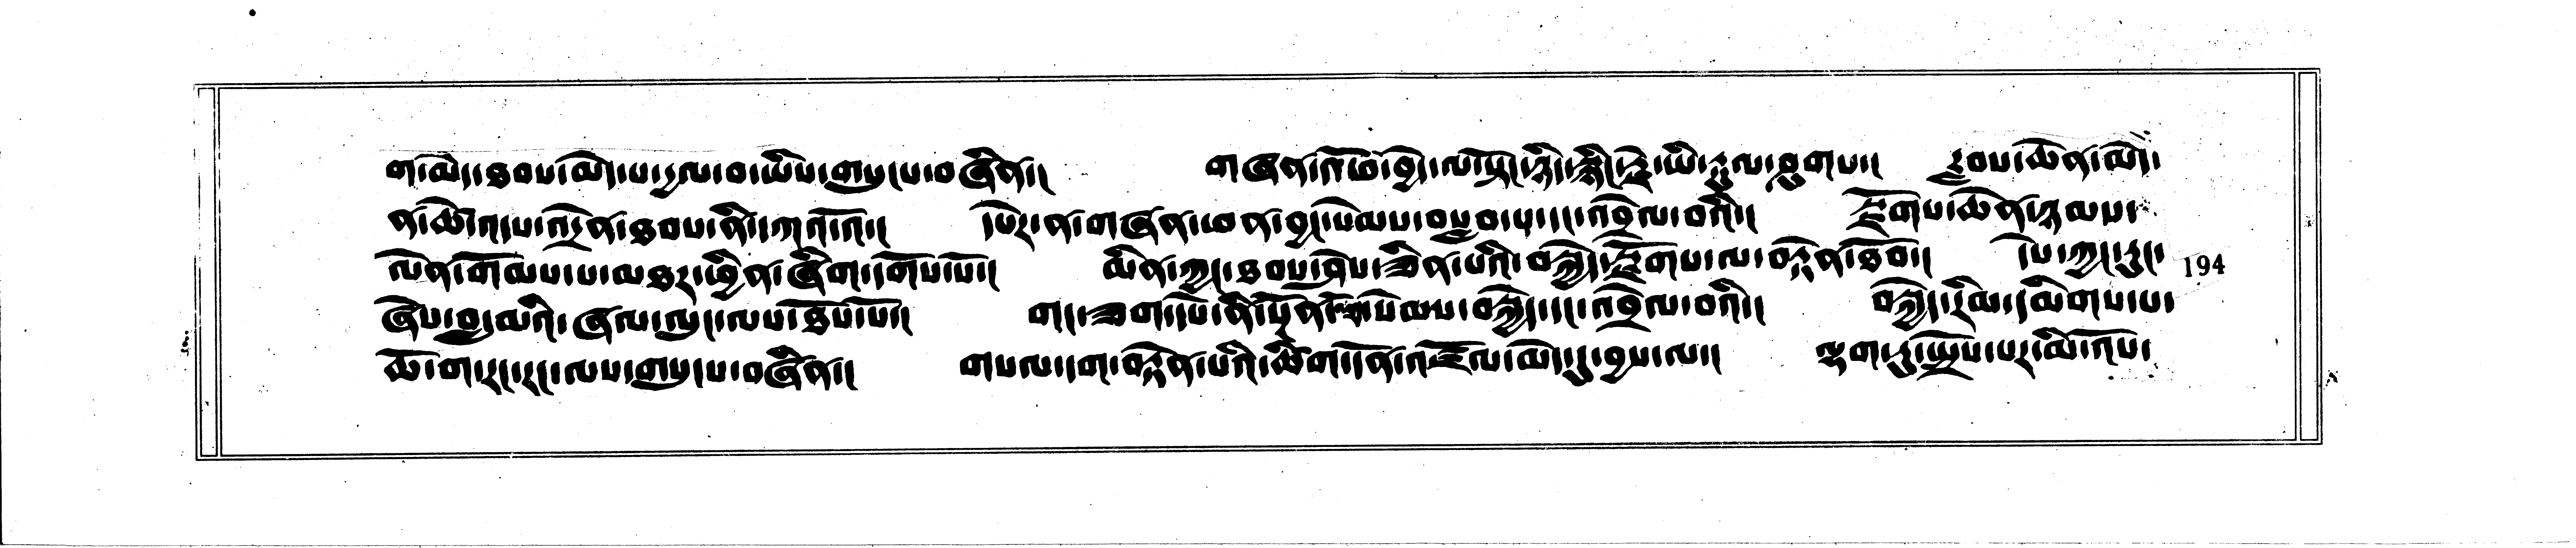ག་མེད་ཐབས་མེད་པ་རྒྱལ་བ་ཡིས་གསུངས་བཞིན། །གཞན་འཕོ་བྱེད་ལ་སྟོང་ཉིད་སྙིང་རྗེ་ཡི་རྟུལ་ཤུགས། །རླབས་ཆེན་མེད་
ན་ཚེ་འདས་འདྲེན་ཐབས་ནི་དཀའ་འོ། །དཔེར་ན་གཞན་ཕན་བྱང་སེམས་བསླབ་པ་དང་འབྲེལ་བའི། །རྫོགས་ཆེན་ཉམས་
ལེན་གོམས་པ་མཐར་ཕྱིན་ཞིག་དགོས་སོ། །མིན་ཀྱང་ཐབས་ཤེས་ཟིན་པའི་བསྐྱེད་རྫོགས་ལ་བརྟན་ཐོབ། །དེས་ཀྱང་རུང་
ཞེས་བླ་མའི་ཞལ་ལུང་ལས་ཐོས་སོ། །གང་ཟག་དེས་ནི་སྔོན་འགྲོ་སེམས་བསྐྱེད་དང་འབྲེལ་བའི། །བསྐྱེད་རིམ་དམིགས་པ་
ཆོ་ག་རང་རང་ལས་གསུངས་བཞིན། །གསལ་དག་བརྟན་པའི་ཚིག་དོན་འཛོལ་མེད་དུ་བྱས་ལ། །ལྷག་ཏུ་སྤྲོས་པར་མི་འོས་